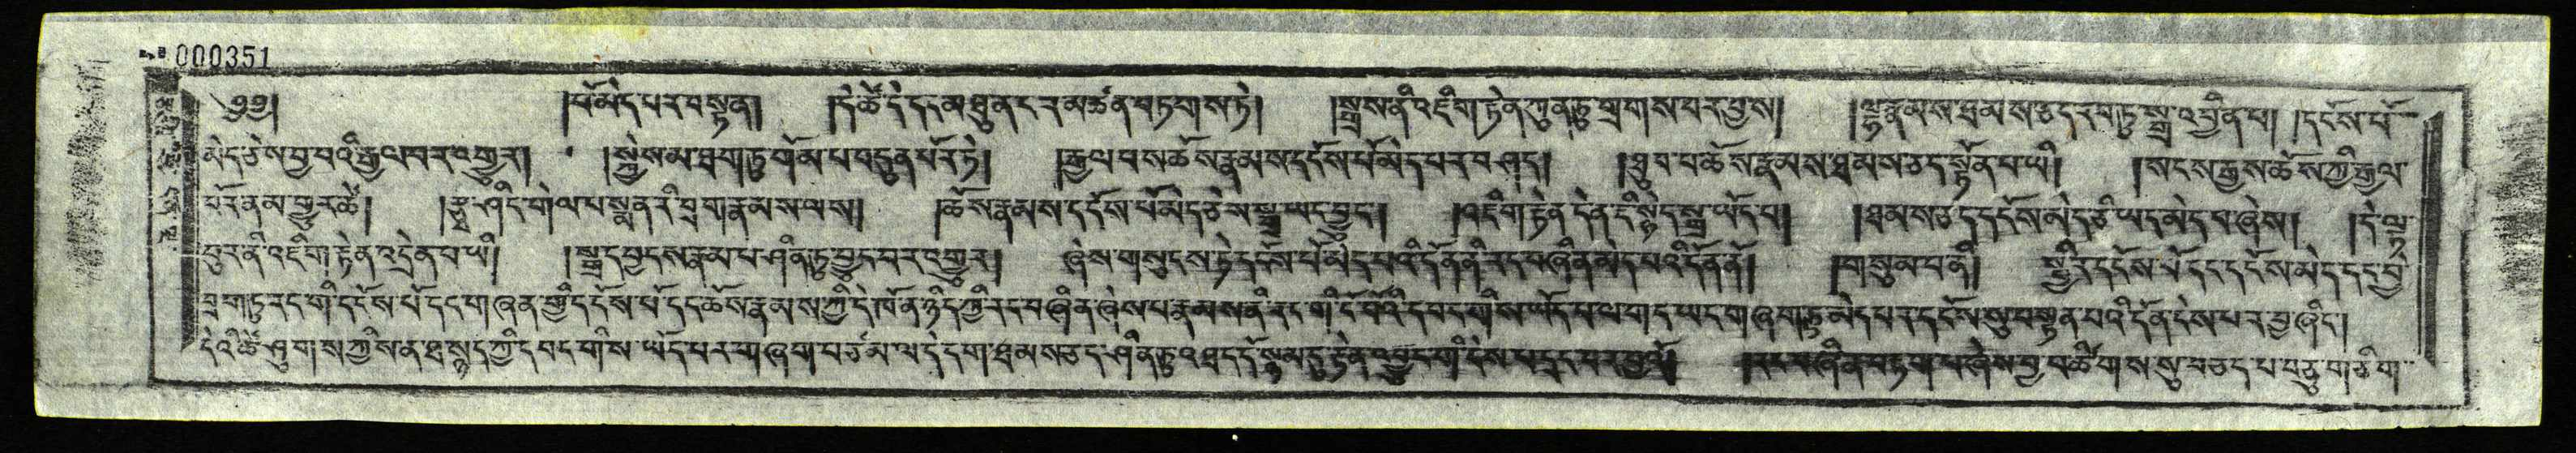༄༅། །པོ་མེད་པར་བསྟན། །དེ་ཚེ་དེ་དང་མཐུན་པར་མཚན་བཏགས་ཏེ། །སྒྲས་ནི་འཇིག་རྟེན་ཀུན་ཏུ་གྲགས་པར་བྱས། །ལྷ་རྣམས་ཐམས་ཅད་རབ་ཏུ་སྒྲ་འབྱིན་པ། །དངོས་པོ་
མེད་ཅེས་བྱ་བའི་རྒྱལ་བར་འགྱུར། །སྐྱེས་མ་ཐག་ཏུ་གོམ་པ་བདུན་པོར་ཏེ། །རྒྱལ་བས་ཆོས་རྣམས་དངོས་པོ་མེད་པར་བཤད། །ཐུབ་པ་ཆོས་རྣམས་ཐམས་ཅད་སྟོན་པ་ཡི། །སངས་རྒྱས་ཆོས་ཀྱི་རྒྱལ་
པོར་ནམ་གྱུར་ཚེ། །རྩྭ་ཤིང་གེལ་པ་སྨན་རི་བྲག་རྣམས་ལས། །ཆོས་རྣམས་དངོས་པོ་མེད་ཅེས་སྒྲ་ཡང་བྱུང་། །འཇིག་རྟེན་དེ་ན་ཇི་སྙེད་སྒྲ་ཡོད་པ། །ཐམས་ཅད་དངོས་མེད་ཅི་ཡང་མེད་པ་ཞེས། །དེ་ལྟ་
བུར་ནི་འཇིག་རྟེན་འདྲེན་པ་ཡི། །སྒྲ་དབྱངས་རྣམ་པ་ཤིན་ཏུ་བྱུང་བར་འགྱུར། ཞེས་གསུངས་ཏེ་དངོས་པོ་མེད་པའི་དོན་ནི་རང་བཞིན་མེད་པའི་དོན་ནོ། །གསུམ་པ་ནི། སྤྱིར་དངོས་པོ་དང་དངོས་མེད་དང་བྱེ་
བྲག་ཏུ་རང་གི་དངོས་པོ་དང་གཞན་གྱི་དངོས་པོ་དང་ཆོས་རྣམས་ཀྱི་དེ་ཁོ་ན་ཉིད་ཀྱི་རང་བཞིན་ཞེས་པ་རྣམས་ནི་རང་གི་ངོ་བོའི་དབང་གིས་ཡོད་པ་ལ་གང་ཡང་གཞག་ཏུ་མེད་པར་དངོས་སུ་བསྟན་པའི་དོན་ངེས་པར་བྱ་ཞིང་།
དེའི་ཚེ་ཤུགས་ཀྱིས་ན་ཐ་སྙད་ཀྱི་དབང་གིས་ཡོད་པར་གཞག་པ་ཙམ་ལ་དེ་དག་ཐམས་ཅད་ཤིན་ཏུ་འཐད་དོ་སྙམ་དུ་རྟེན་འབྱུང་གི་ངེས་པ་དྲང་བར་བྱའོ། །རང་བཞིན་བརྟག་པ་ཞེས་བྱ་བ་ཚིགས་སུ་བཅད་པ་བཅུ་གཅིག་